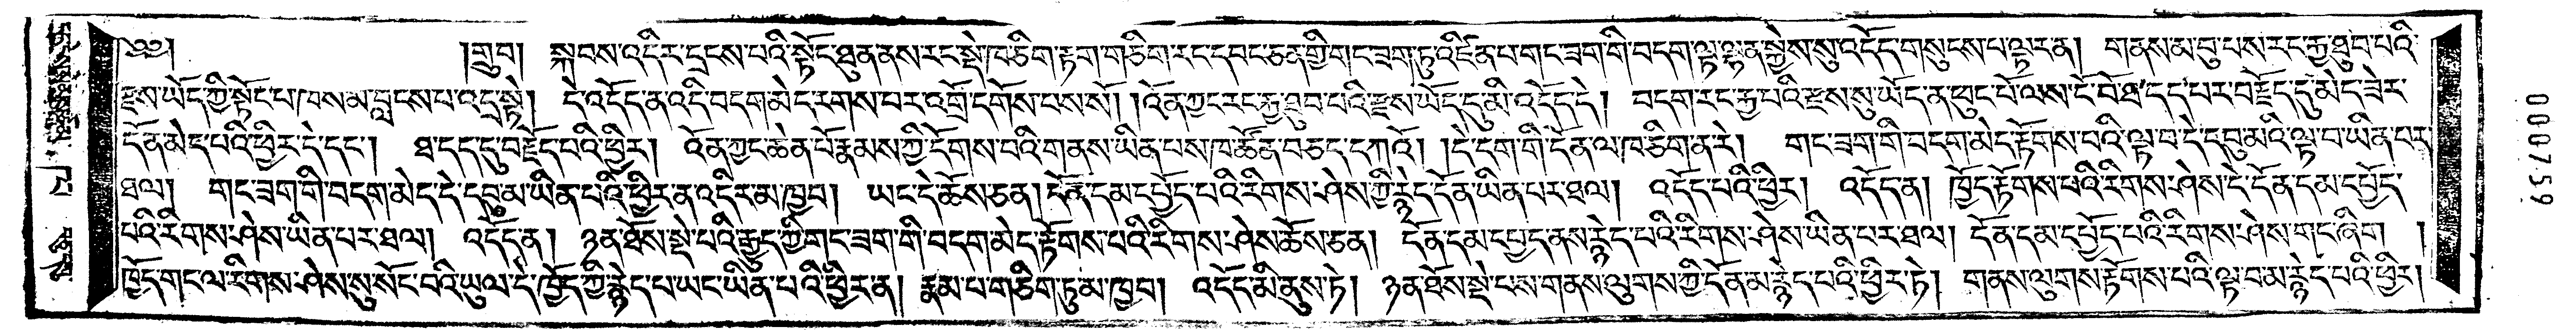༄༅། །གྲུབ། སྐབས་འདིར་དྲངས་པའི་སྟོང་ཐུན་ནས་རང་སྡེ་ཁ་ཅིག་རྟག་གཅིག་རང་དབང་ཅན་གྱི་གང་ཟག་ཏུ་འཛིན་པ་གང་ཟག་གི་བདག་ལྟ་ལྷན་སྐྱེས་སུ་འདོད་གསུངས་པ་ལྟར་ན། གནས་མ་བུ་པས་རང་རྐྱ་ཐུབ་པའི་
རྫས་ཡོད་ཀྱི་སྟོང་པ་ཁས་མ་བླངས་པ་འདྲ་སྟེ། དེ་འདོད་ན་འདི་བདག་མེད་རགས་པར་འགྲོ་དགོས་པས་སོ། །འོན་ཀྱང་རང་རྐྱ་ཐུབ་པའི་རྫས་ཡོད་དུ་མི་འདོད་དེ། བདག་རང་རྐྱ་པའི་རྫས་སུ་ཡོད་ན་ཕུང་པོ་ལས་ངོ་བོ་ཐ་དད་པར་བརྗོད་དུ་མེད་ཟེར་
དོན་མེད་པའི་ཕྱིར་དེ་དང་། ཐ་དད་དུ་བརྗོད་པའི་ཕྱིར། འོན་ཀྱང་ཆེན་པོ་རྣམས་ཀྱི་དོགས་པའི་གནས་ཡིན་པས་ཁ་ཚོན་བཅད་དཀའོ། །དེ་དག་གི་དོན་ལ་ཁ་ཅིག་ན་རེ། གང་ཟག་གི་བདག་མེད་རྟོགས་པའི་ལྟ་བ་དེ་དབུ་མའི་ལྟ་བ་ཡིན་པར་
ཐལ། གང་ཟག་གི་བདག་མེད་དེ་དབུ་མ་ཡིན་པའི་ཕྱིར་ན་འདིར་མ་ཁྱབ། ཡང་དེ་ཆོས་ཅན། དོན་དམ་དཔྱོད་པའི་རིགས་ཤེས་ཀྱི་རྙེད་དོན་ཡིན་པར་ཐལ། འདོད་པའི་ཕྱིར། འདོད་ན། ཁྱོད་རྟོགས་པའི་རིགས་ཤེས་དེ་དོན་དམ་དཔྱོད་
པའི་རིགས་ཤེས་ཡིན་པར་ཐལ། འདོད་ན། ཉན་ཐོས་སྡེ་པའི་རྒྱུད་ཀྱི་གང་ཟག་གི་བདག་མེད་རྟོགས་པའི་རིགས་ཤེས་ཆོས་ཅན། དོན་དམ་དཔྱད་ནས་རྙེད་པའི་རིགས་ཤེས་ཡིན་པར་ཐལ། དོན་དམ་དཔྱོད་པའི་རིགས་ཤེས་གང་ཞིག །
ཁྱོད་གང་ལ་རིགས་ཤེས་སུ་སོང་བའི་ཡུལ་དེ་ཁྱོད་ཀྱི་རྙེད་པ་ཡང་ཡིན་པའི་ཕྱིར་ན། རྣམ་པ་གཅིག་ཏུ་མ་ཁྱབ། འདོད་མི་ནུས་ཏེ། ཉན་ཐོས་སྡེ་པས་གནས་ལུགས་ཀྱི་དོན་མ་རྙེད་པའི་ཕྱིར་ཏེ། གནས་ལུགས་རྟོགས་པའི་ལྟ་བ་མ་རྙེད་པའི་ཕྱིར།